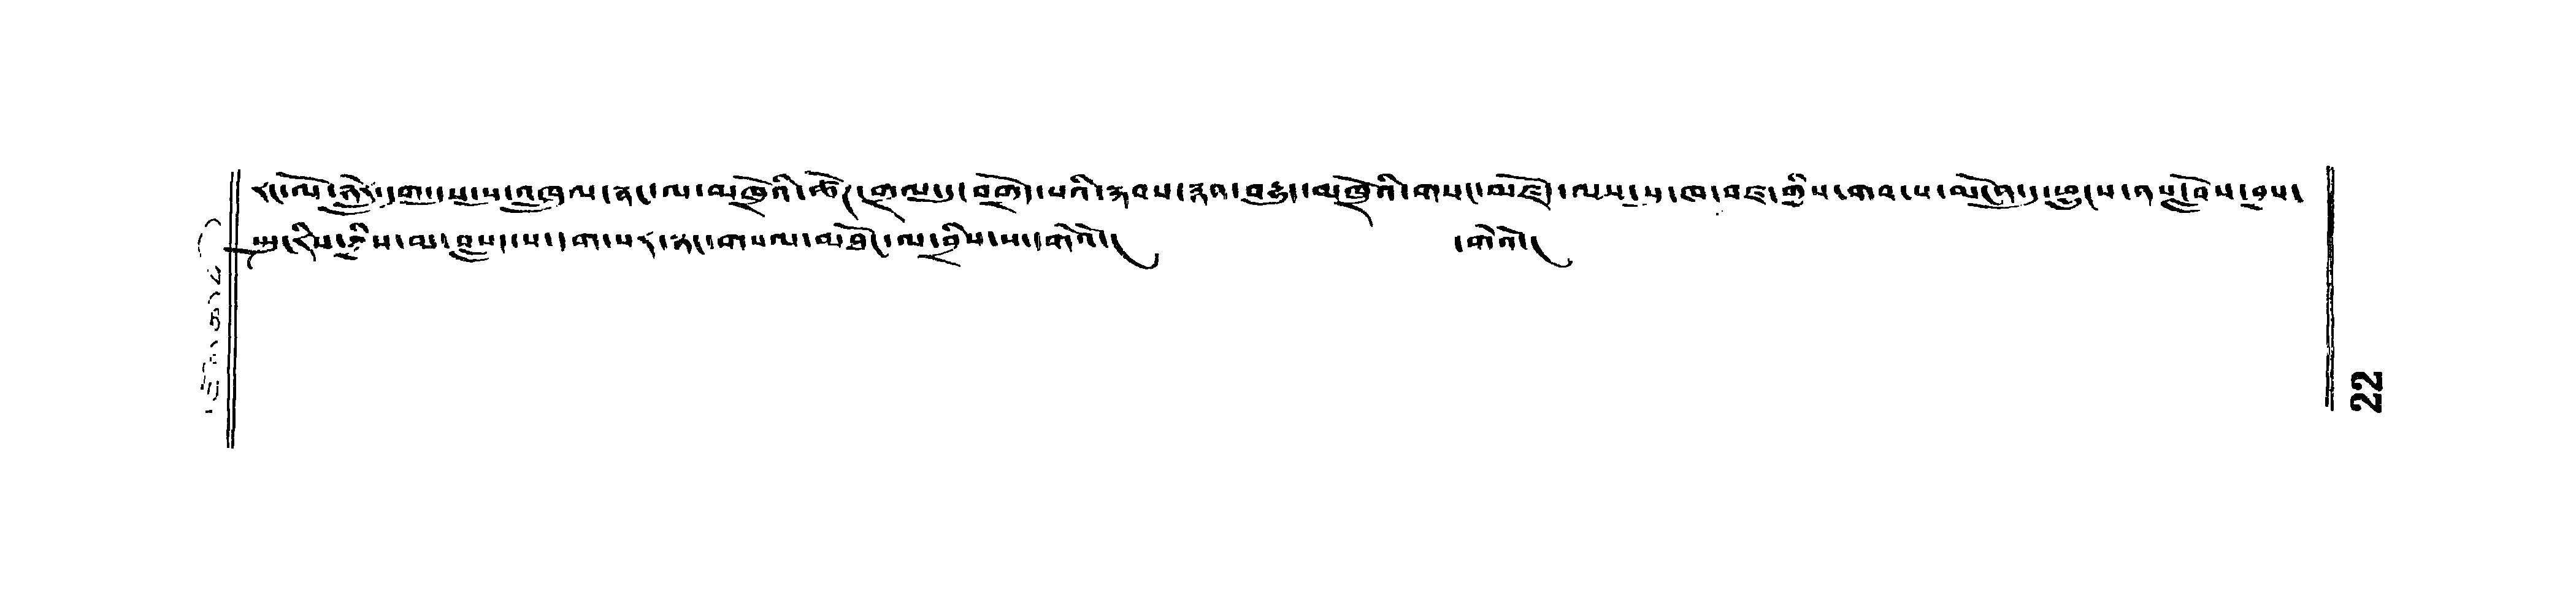རང་ལོ་ཉེར་དྲུག་དུས་སུ་འཁྲུལ་སྣང་ལ་མཁའ་འགྲོའི་ཚོགས་གྲལ་དུ་བགྲོད་པའི་སྐབས་སྙན་བརྒྱུད་མཁའ་འགྲོའི་གསང་མཛོད་ལས་སུ་ཁ་བཛྲ་གྱིས་གབ་པ་མངོན་དུ་ཕྱུང་ནས་བློས་བྱས་
སྤུ་རིས་ཀྱིས་མ་བསླད་པ་དག་པར་སྣང་གསལ་མཐོང་ལ་བྲིས་པ་དགེའོ།།